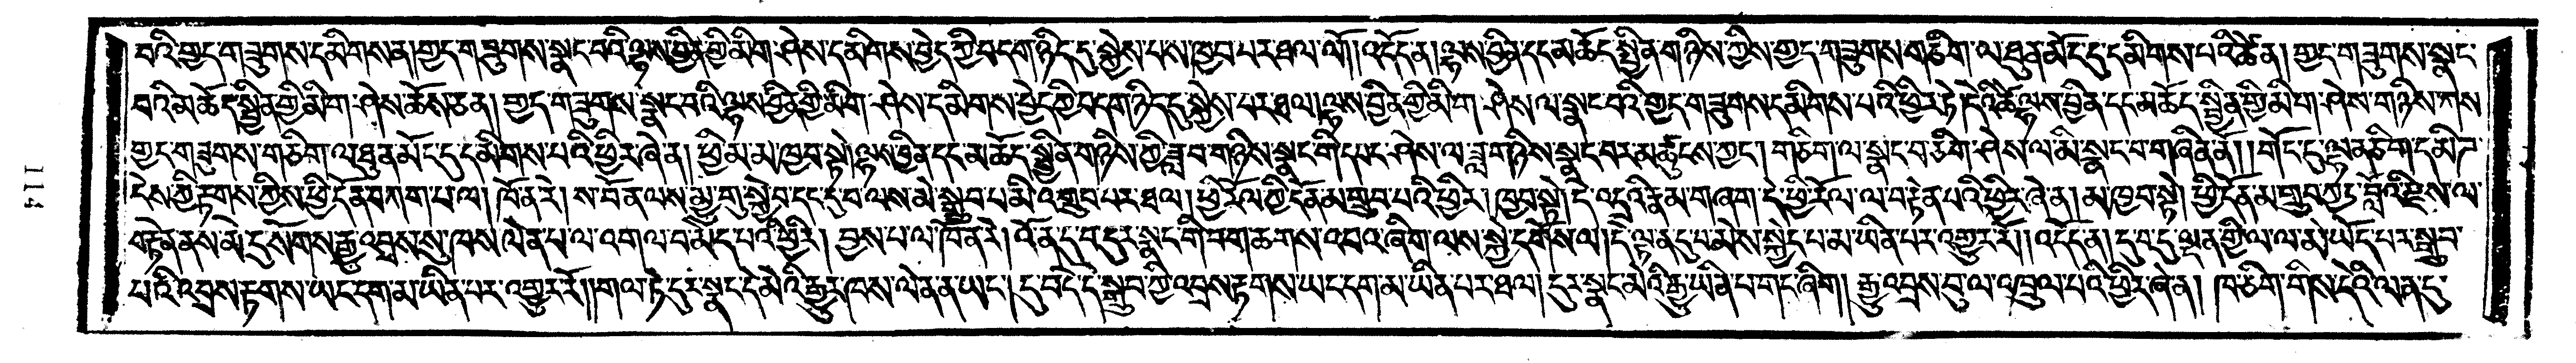བའི་གྱད་གཟུགས་དམིགས་ན། གྱད་གཟུགས་སྣང་བའི་ལྷས་བྱིན་གྱི་མིག་ཤེས་དམིགས་བྱེད་ཀྱི་བདག་ཉིད་དུ་སྐྱེས་པས་ཁྱབ་པར་ཐལ་ལོ། །འདོད་ན། ལྷས་བྱིན་དང་མཆོད་སྦྱིན་གཉིས་ཀྱིས་གྱད་གཟུགས་གཅིག་ལ་ཐུན་མོང་དུ་དམིགས་པའི་ཚེ་ན། གྱད་གཟུགས་སྣང་
བའི་མཆོད་སྦྱིན་གྱི་མིག་ཤེས་ཆོས་ཅན། གྱད་གཟུགས་སྣང་བའི་ལྷས་བྱིན་གྱི་མིག་ཤེས་དམིགས་བྱེད་ཀྱི་བདག་ཉིད་དུ་སྐྱེས་པར་ཐལ། ལྷས་བྱིན་གྱི་མིག་ཤེས་ལ་སྣང་བའི་གྱད་གཟུགས་དམིགས་པའི་ཕྱིར་ཏེ། དེའི་ཚེ་ལྷས་བྱིན་དང་མཆོད་སྦྱིན་གྱི་མིག་ཤེས་གཉིས་ཀས་
གྱད་གཟུགས་གཅིག་ལ་ཐུན་མོང་དུ་དམིགས་པའི་ཕྱིར་ཞེ་ན། ཕྱི་མ་མ་ཁྱབ་སྟེ། ལྷས་བྱིན་དང་མཆོད་སྦྱིན་གཉིས་ཀྱི་ཟླ་བ་གཉིས་སྣང་གི་དབང་ཤེས་ལ་ཟླ་གཉིས་སྣང་བར་མཚུངས་ཀྱང་། གཅིག་ལ་སྣང་བ་ཅིག་ཤེས་ལ་མི་སྣང་བ་གཞིན་ནོ། །གོང་དུ་ལྷན་ཅིག་དམིཌ་
ངེས་ཀྱི་རྟགས་ཀྱིས་ཕྱི་དོན་བཀག་པ་ལ། ཁོ་ན་རེ། ས་བོན་ལས་མྱུ་གུ་སྐྱེ་བ་དང་དུ་བ་ལས་མེ་སྒྲུབ་པ་མི་འགྲུབ་པར་ཐལ། ཕྱི་རོལ་གྱི་དོན་མ་གྲུབ་པའི་ཕྱིར། ཁྱབ་སྟེ། དེ་འདྲའི་རྣམ་གཞག་དེ་ཕྱི་རོལ་ལ་བརྟེན་པའི་ཕྱིར་ཞེ་ན། མ་ཁྱབ་སྟེ། ཕྱི་དོན་མ་གྲུབ་ཀྱང་བློའི་རྫས་ལ་
བརྟེན་ནས་མ་དུ་སོགས་རྒྱུ་འབྲས་སུ་ཁས་ལེན་པ་ལ་འགལ་བ་མེད་པའི་ཕྱིར། བྱས་པ་ལ་ཁོ་ན་རེ། འོ་ན་དུ་བ་དུར་སྣང་གི་བག་ཆགས་འབའ་ཞིག་ལས་སྐྱེ་དགོས་ལ། དེ་ལྟ་ན་དུ་བ་མེས་སྐྱེས་པ་མ་ཡིན་པར་འགྱུར་རོ། །འདོད་ན། དུ་བ་དུ་ལྡན་གྱི་ལ་ལ་མེ་ཡོད་པར་སྒྲུབ་
པའི་འབྲས་རྟགས་ཡང་དག་མ་ཡིན་པར་འགྱུར་རོ། །གལ་ཏེ་དུར་སྣང་དེ་མེའི་རྒྱུར་ཁས་ལེན་ན་ཡང་། དུ་བ་དེ་དེ་སྒྲུབ་ཀྱི་འབྲས་རྟགས་ཡང་དག་མ་ཡིན་པར་ཐལ། དུར་སྣང་མེའི་རྒྱུ་ཡིན་པ་གང་ཞིག །། རྒྱུ་འབྲས་བུ་ལ་འཁྲུལ་བའི་ཕྱིར་ཞེ་ན། ཁ་ཅིག་གིས་དེའི་ལན་དུ་